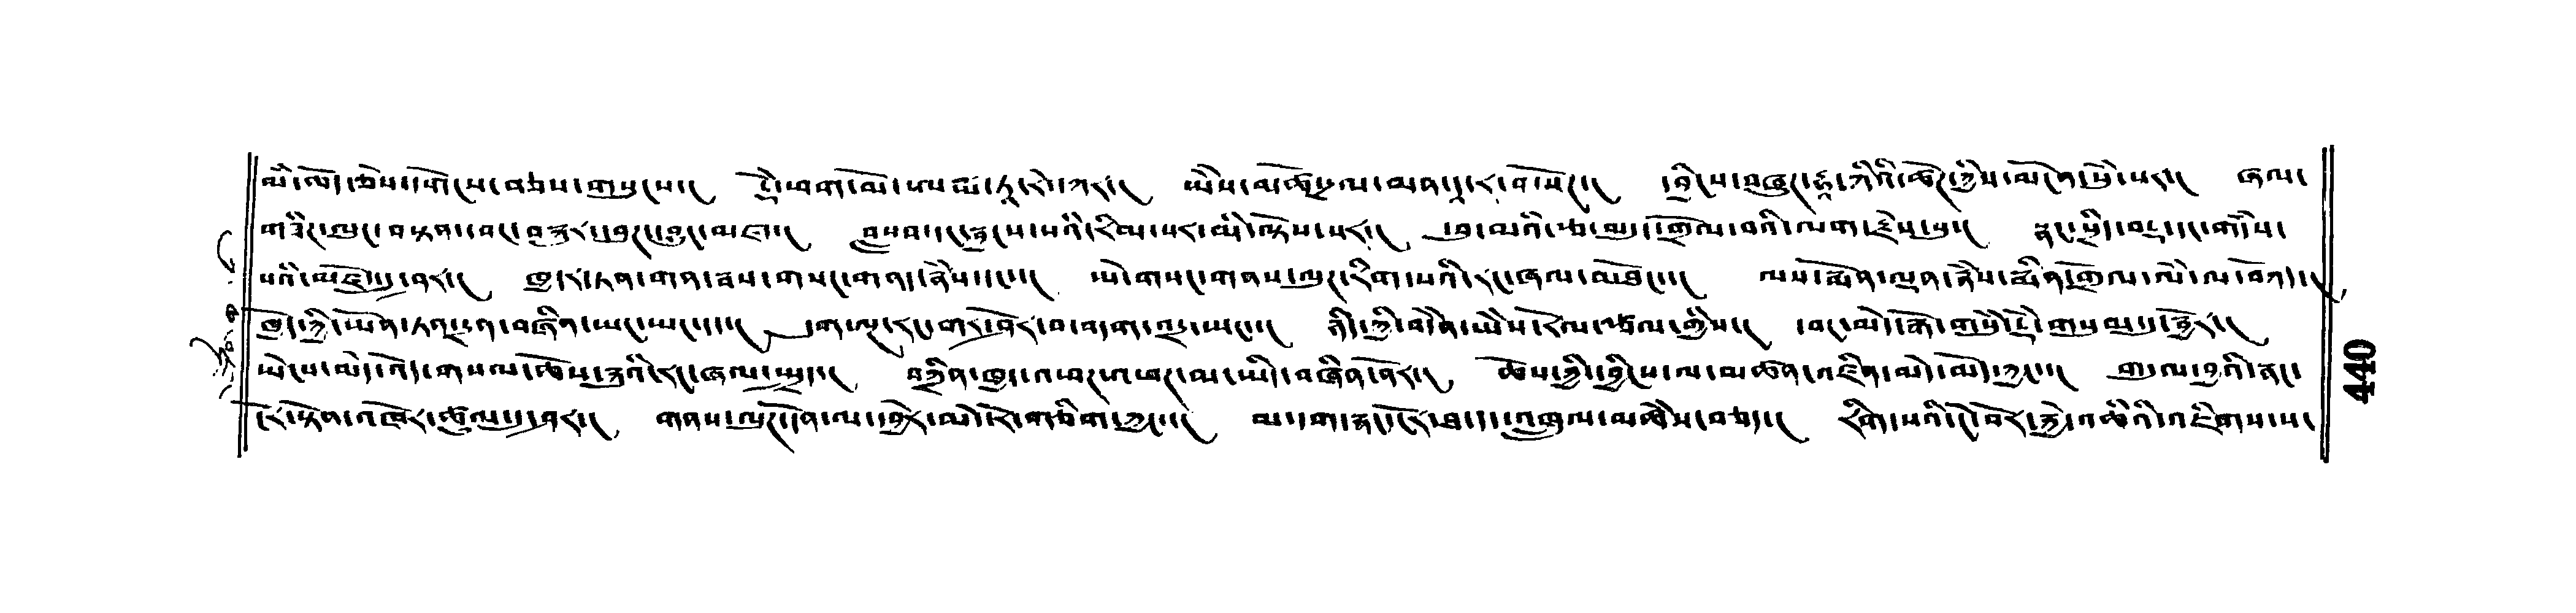མི་ཆོད་ཅེས་དགོངས་བཅས་གསུངས། རྡོ་རྗེ་ཕག་མོ་ཨརྻ་ཏཱ་རེ་དཀར། །ཡེ་ཤེས་མཚོ་རྒྱལ་མན་དཱ་ར་བ་སོགས། །དབྱིངས་བཞུགས་དྷཱ་ཀིའི་ཚོགས་ཀྱིས་མངོན་སུམ་པར། །ཞལ་
གཟིགས་ལུང་བསྟན་དབང་བསྐུར་དབུགས་དབྱུང་མཛད། །བསླབ་དང་སྦྱངས་པའི་རིམ་པར་མི་ལྟོས་པར། །དབུ་མའི་རྩ་མདུད་གྲོལ་བའི་ལག་རྗེས་སུ། །སྣང་སྲིད་བརྡ་དང་གདམས་
པའི་མཛོད་དུ་ཤར། ཁྱད་པར་ཏན་གན་སྦས་གསང་གནད་རྣམས་དང་། །ཡེ་གསང་གནས་ལུགས་རིག་པའི་རང་ཞལ་མཐོང་། །ལས་སྨོན་ལྡན་རྣམས་སྨིན་གྲོལ་ལམ་ལ་བཀོད། 
ཁྱོད་ཀྱི་ཡོན་ཏན་དྲན་བཞིན་ཡང་ཡང་དད། །དུག་ལྔ་རང་གར་ཤོར་བ་བདག་འདྲ་ཡང་། །ཉིད་ཀྱི་བདེ་ཆེན་ཡེ་ཤེས་རོལ་རྩལ་གྱིས། །དབང་མེད་སྒོ་གསུམ་རྡོ་རྗེ་གསུམ་དུ་སྦྱོར། །
ཡེངས་མེད་འོད་གསལ་ཆོས་སྐུའི་རང་ཞལ་སྤྲད། །བཀའ་དྲིན་ཁྱད་འཕགས་འཕགས་མ་ཡིད་བཞིན་ནོར། །ཆོས་ཀྱི་དབྱིངས་ལ་མཚན་འཛིན་མེད་མོད་ཀྱང་། །གདུལ་བྱའི་སྣང་
ངོར་སྟོན་འཁོར་ཚུལ་དུ་ཤར། །གནས་ལུགས་དོན་ལ་དབྱེར་མེད་རོ་གཅིག་ཀྱང་། །མ་དག་སྣང་ངོར་ཐ་དད་འཁྲུལ་མཚམས་བཅད། །རིག་པའི་ངོ་བོར་སྐྱེ་འཆིའི་འཇིགས་པ་